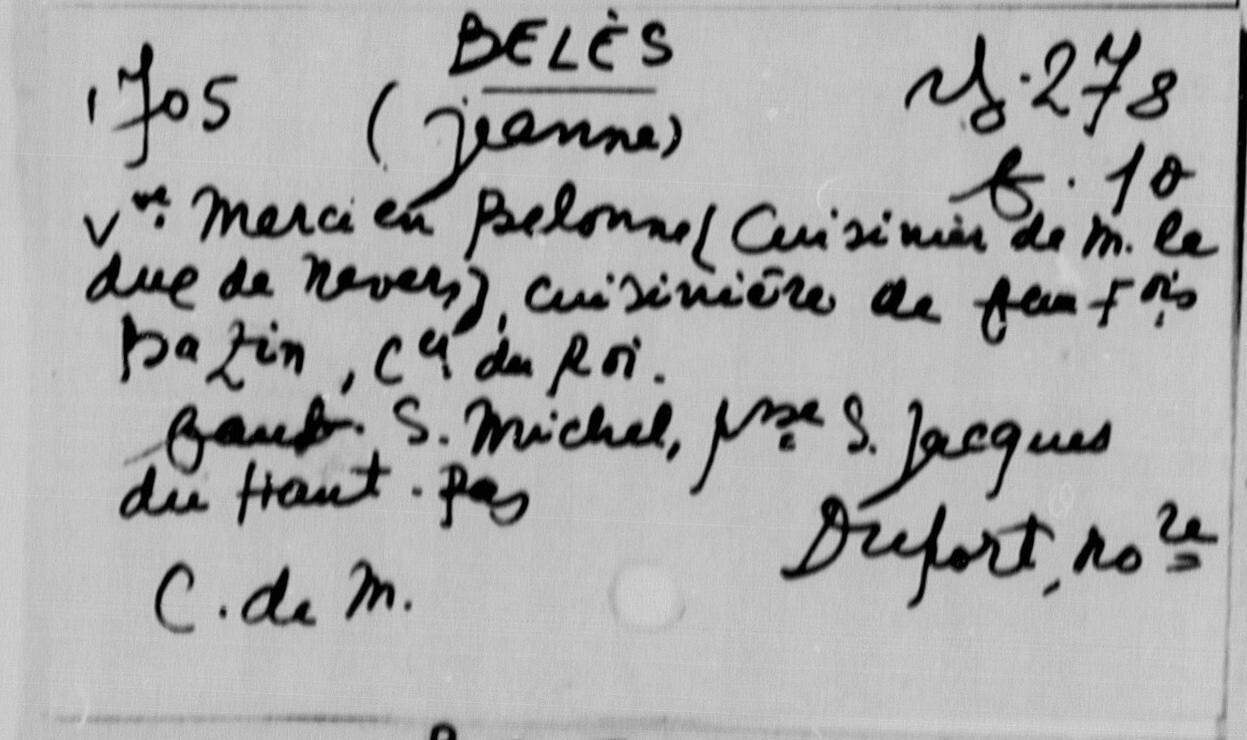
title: BELÉS (Jeanne)
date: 1705
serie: Y
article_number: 278
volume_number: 10
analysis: Veuve Mercien BELONNE (Cuisinier de Monsieur le duc de Nevers), cuisinière de feu François BAZIN, cuisinier du roi. Faubourg Saint-Michel, paroisse Saint-Jacques du Haut-Pas. Contrat de mariage. Duport, notaire.
